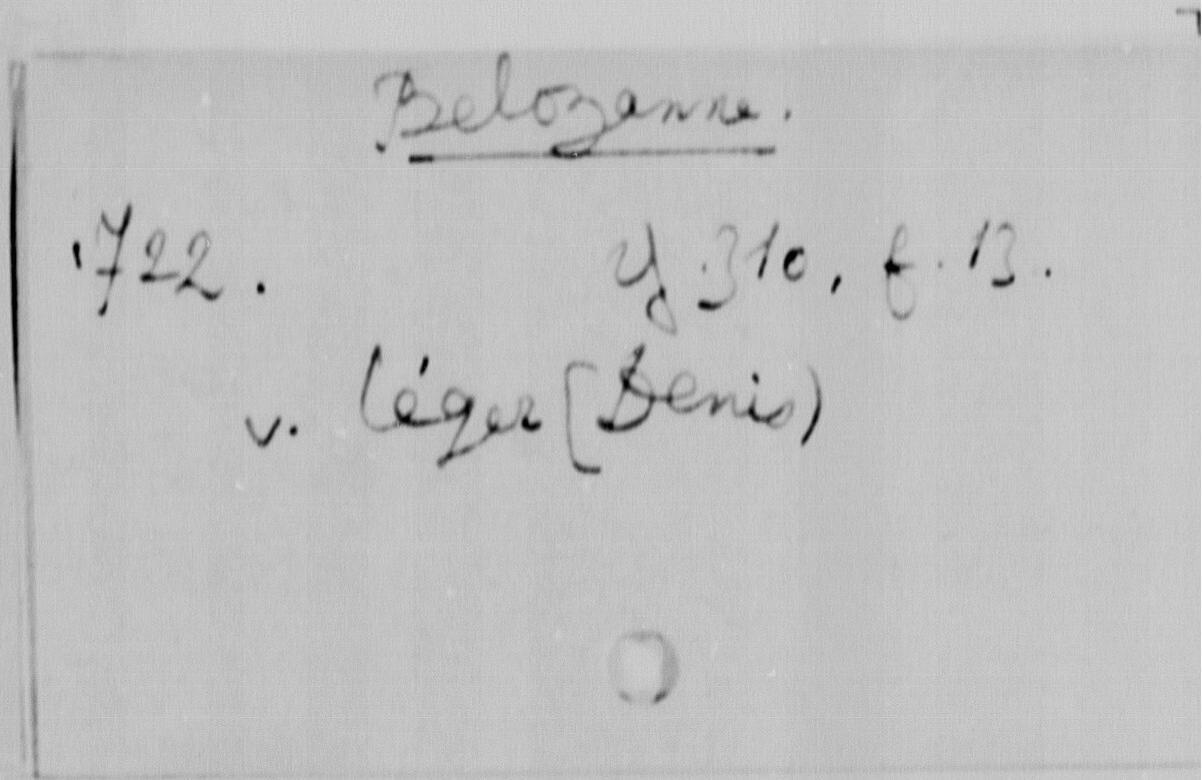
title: Belozanne
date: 1722
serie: Y
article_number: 310
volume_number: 13
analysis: Voir Lèger (Denis)
